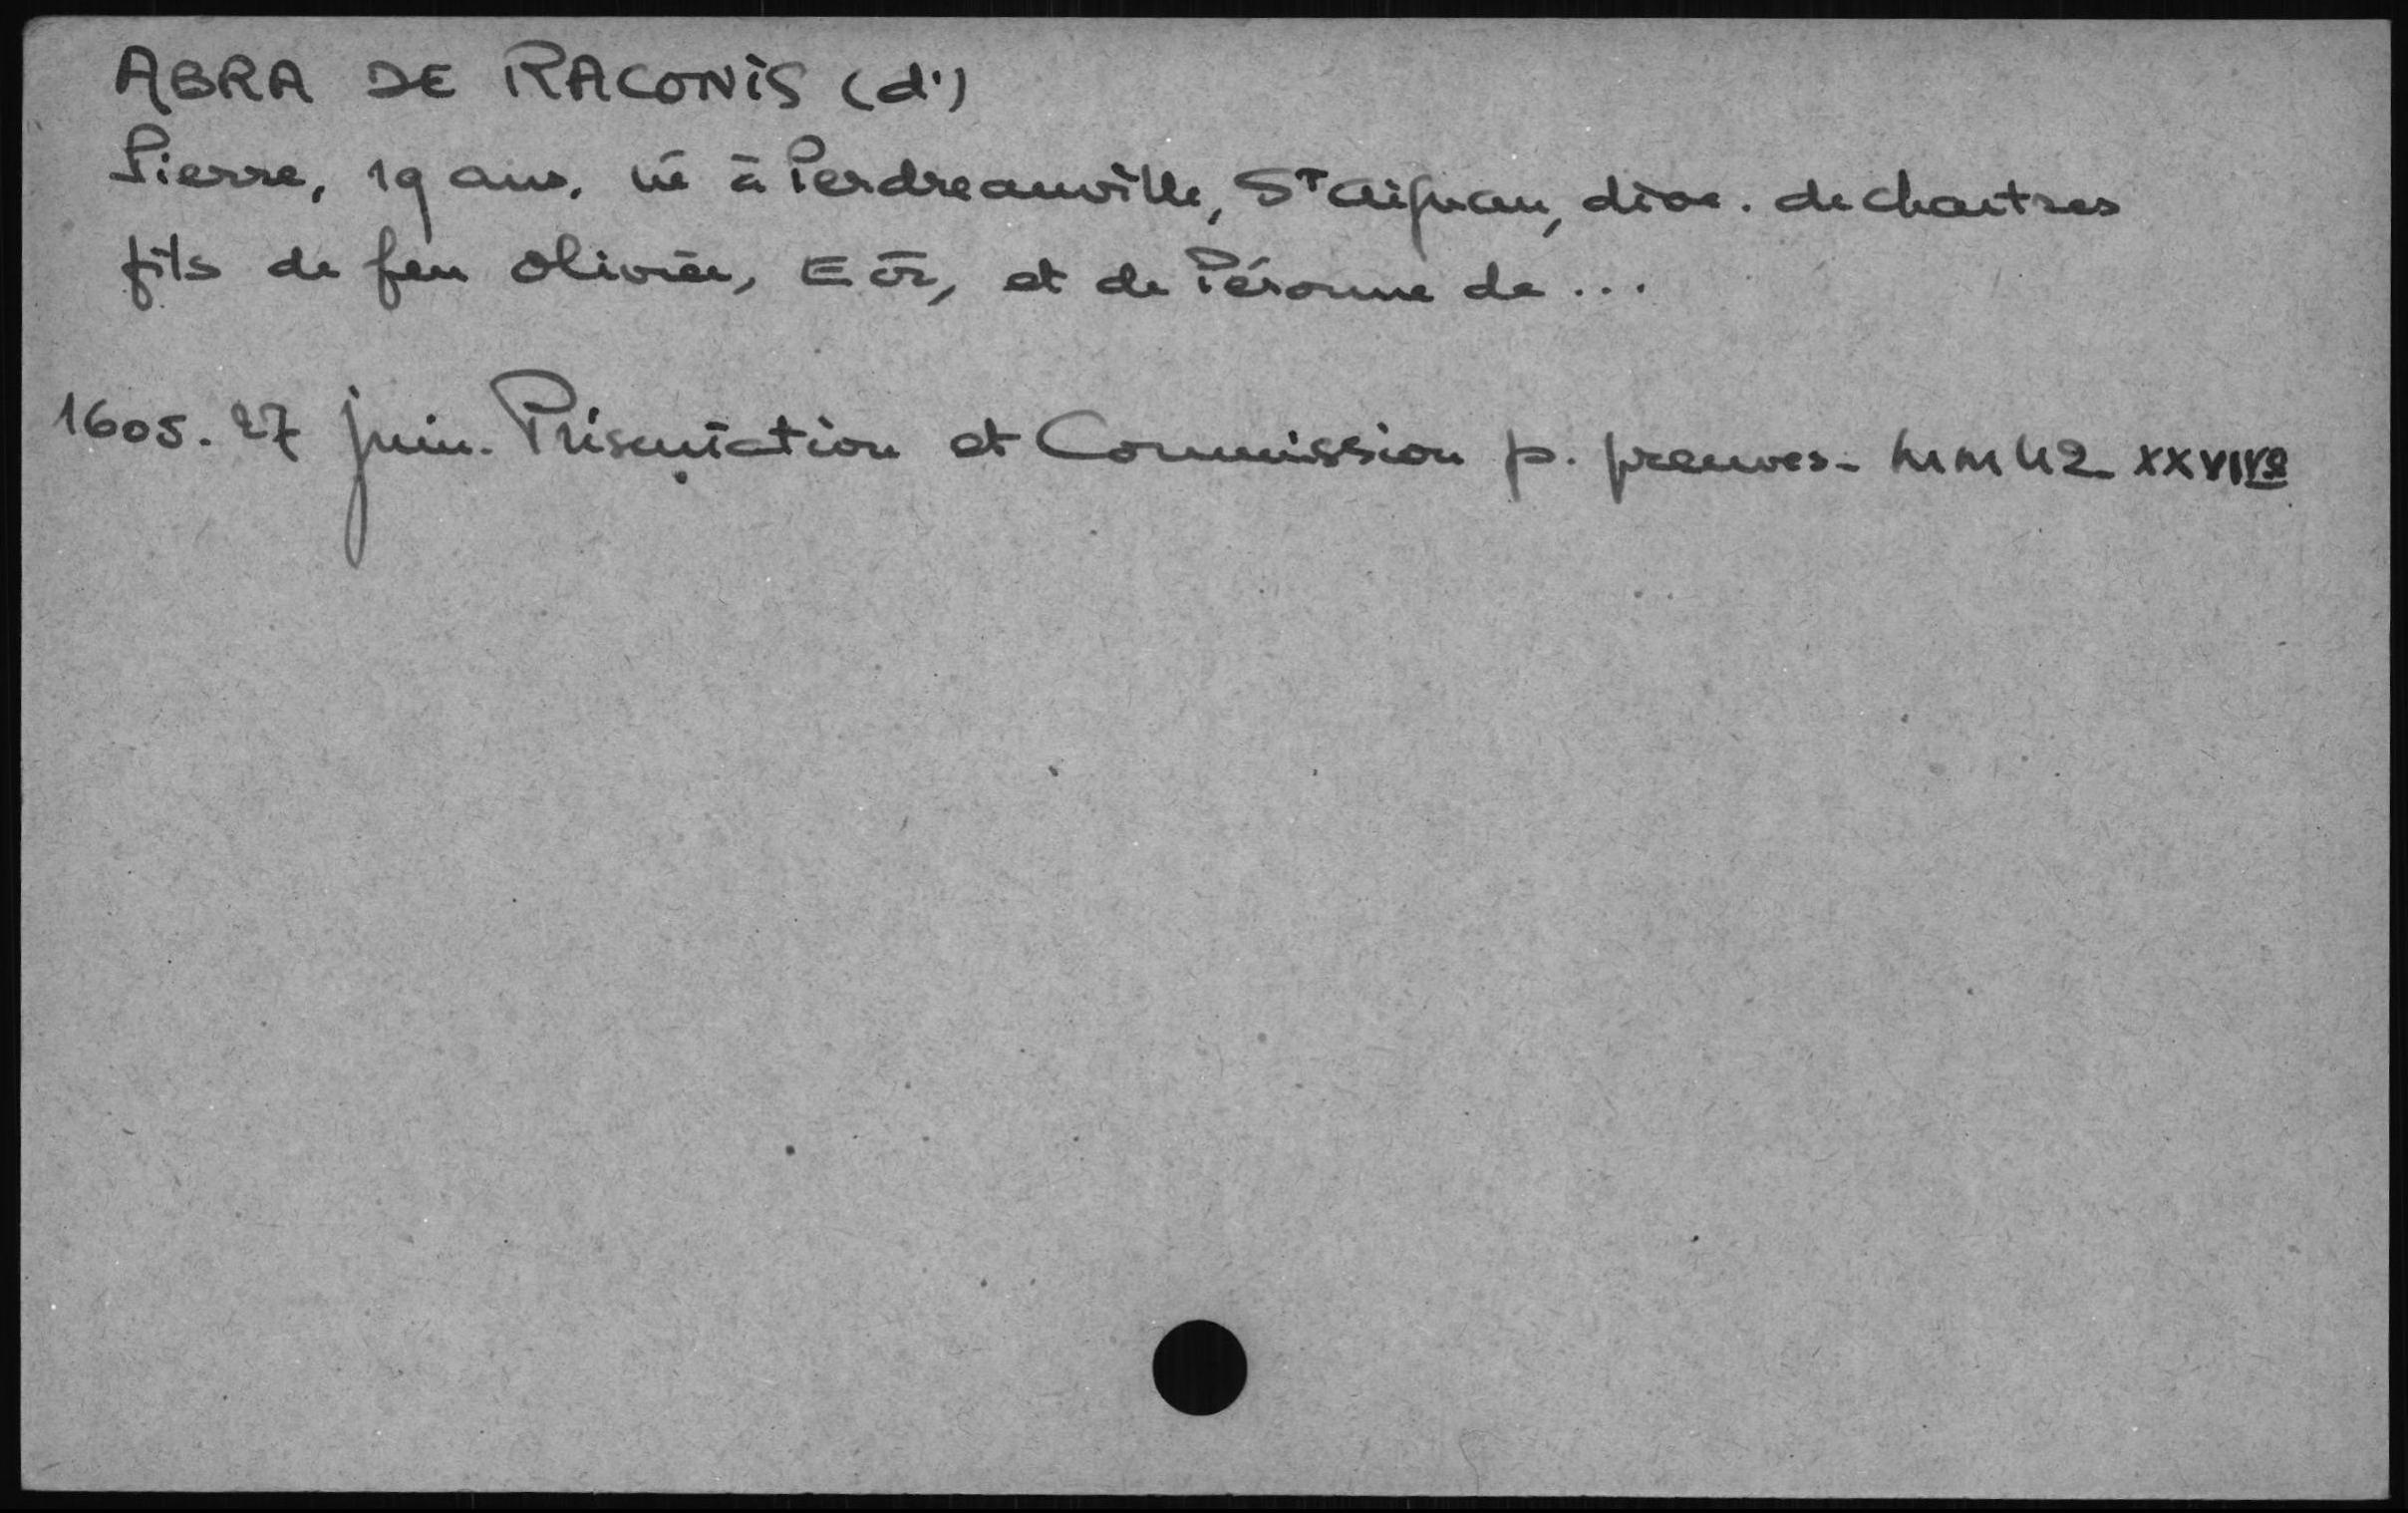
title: ABRA DE RACONIS (d') Pierre, 19 ans, né à Perdreauville, Saint-Aignan, diocèse de Chartres, fils de feu Olivier, écuyer, et de Péronne de …
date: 27 juin 1605
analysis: Présentation et commission pour preuves
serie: MM
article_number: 42
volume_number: XXVI v°
